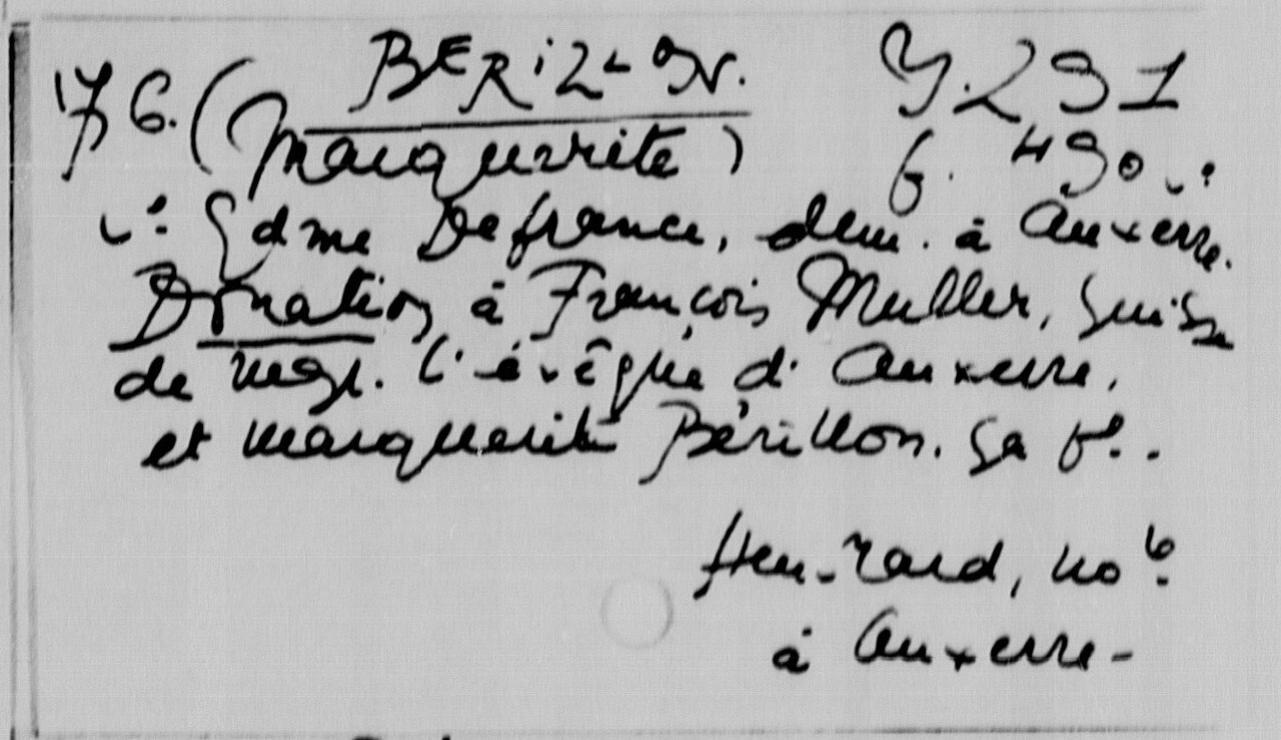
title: BERILLON (Marguerite)
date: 1706
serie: Y
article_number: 291
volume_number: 490v
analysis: Veuve Edme Defrance, demeurant à Auxerre. Donation à François Muller, suisse de monseigneur l'évêque d'Auxerre, et Marguerite Bérillon, sa femme. Heuvrard, notaire à Auxerre.
